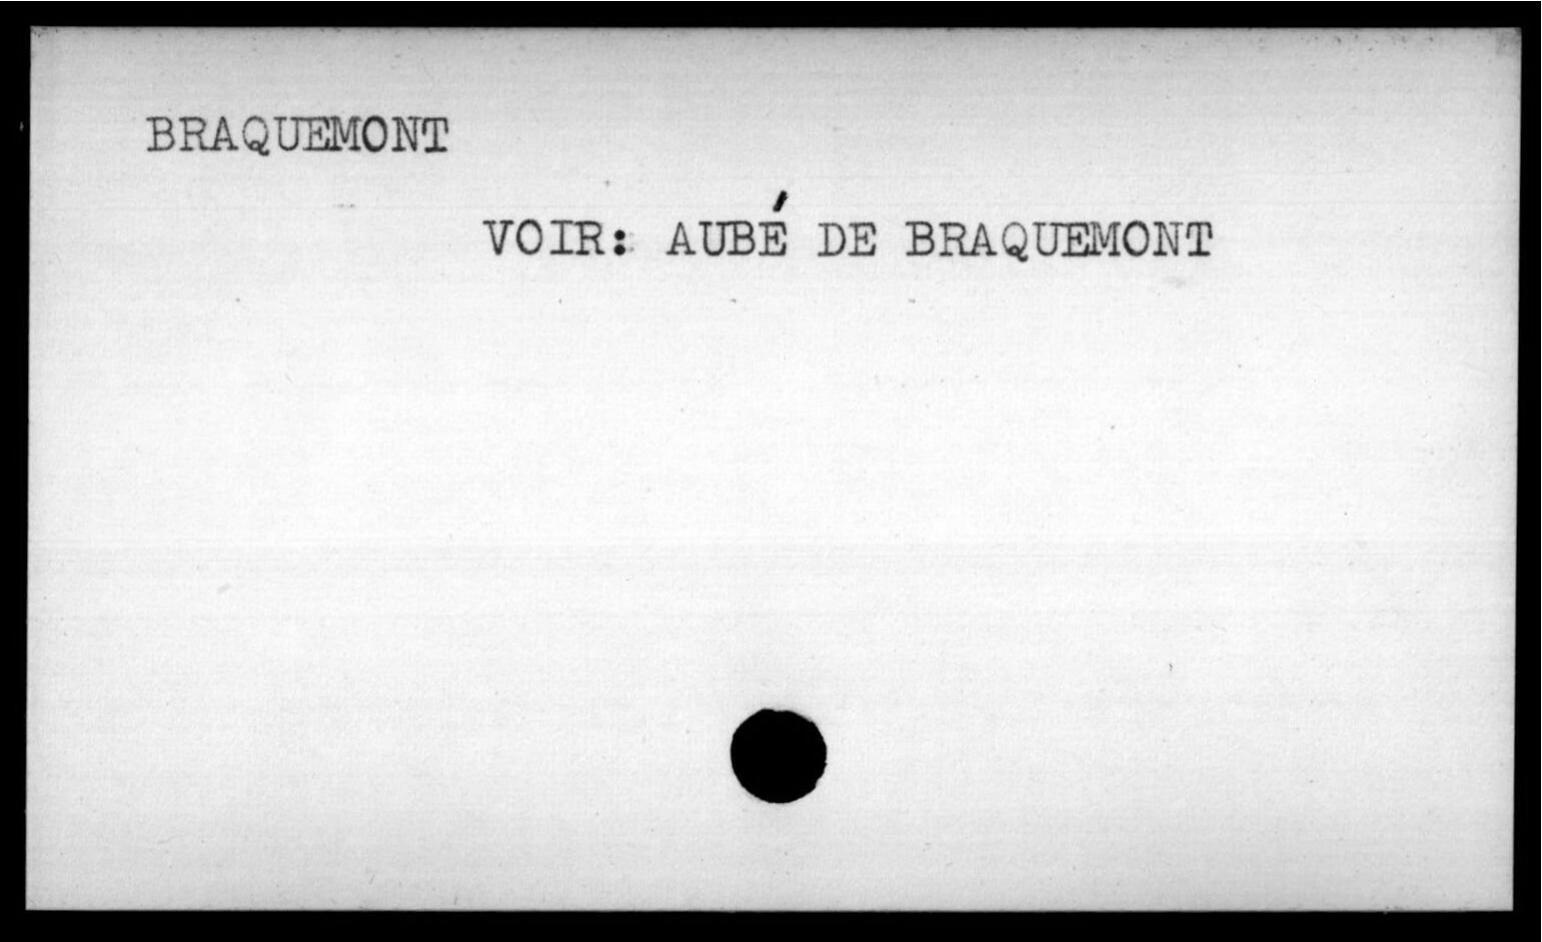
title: BRAQUEMONT
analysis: VOIR : AUBÉ DE BRAQUEMONT
